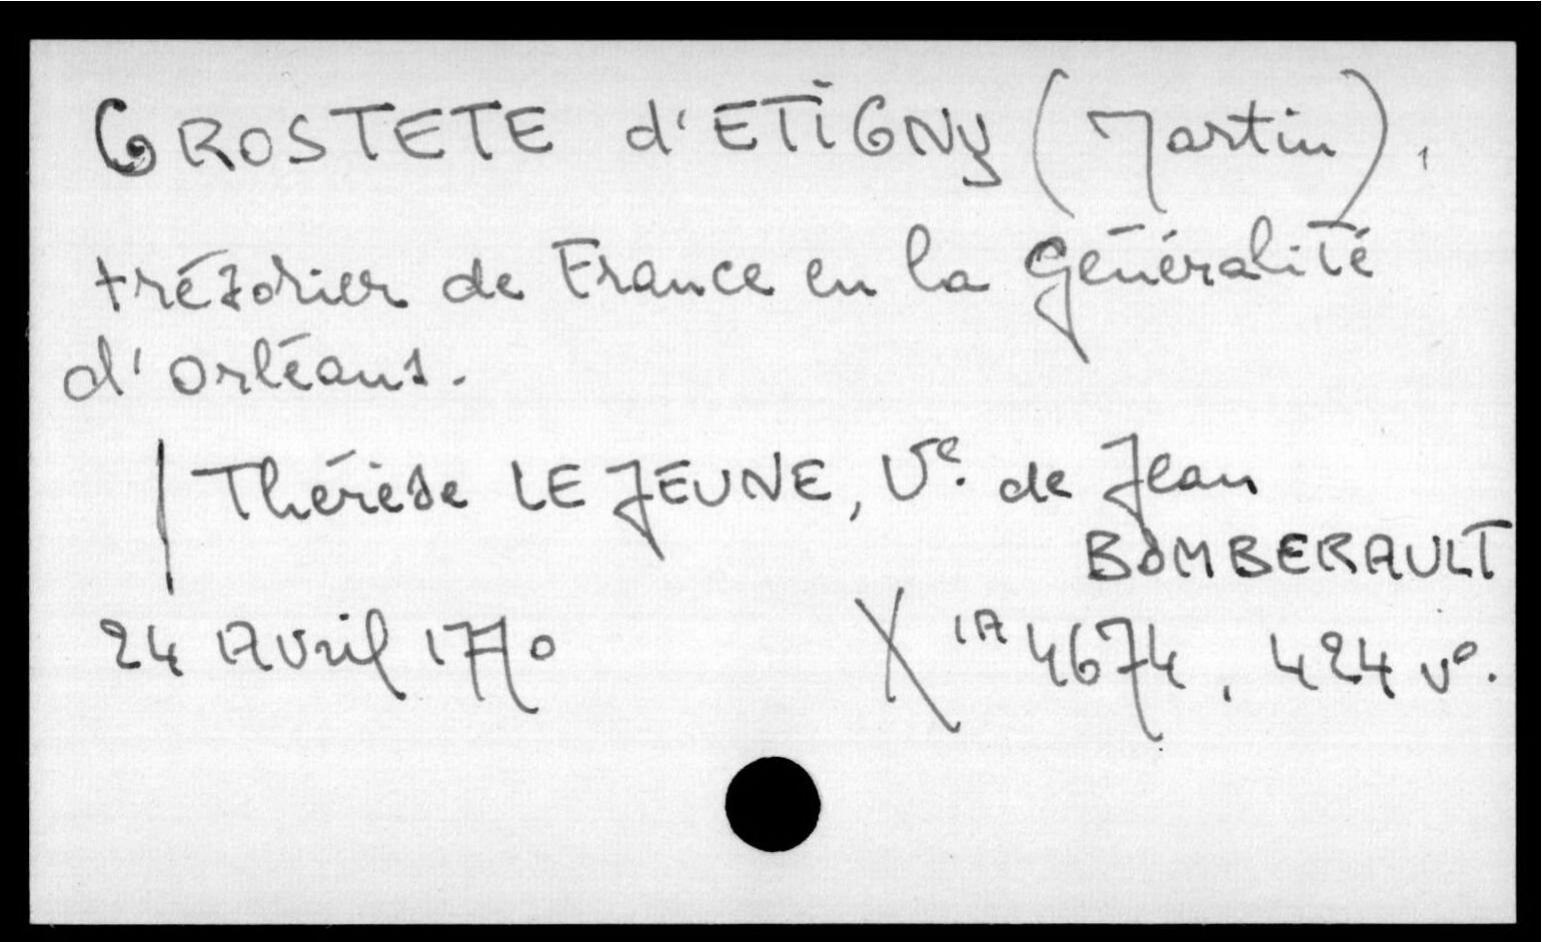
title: GROSTETE d'ETIGNY (Martin), trésorier de France en la généralité d'Orléans
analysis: Contre Thérèse LEJEUNE, Veuve de Jean BOMBERAULT
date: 24 avril 1770
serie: X1A
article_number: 4674
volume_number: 424v
